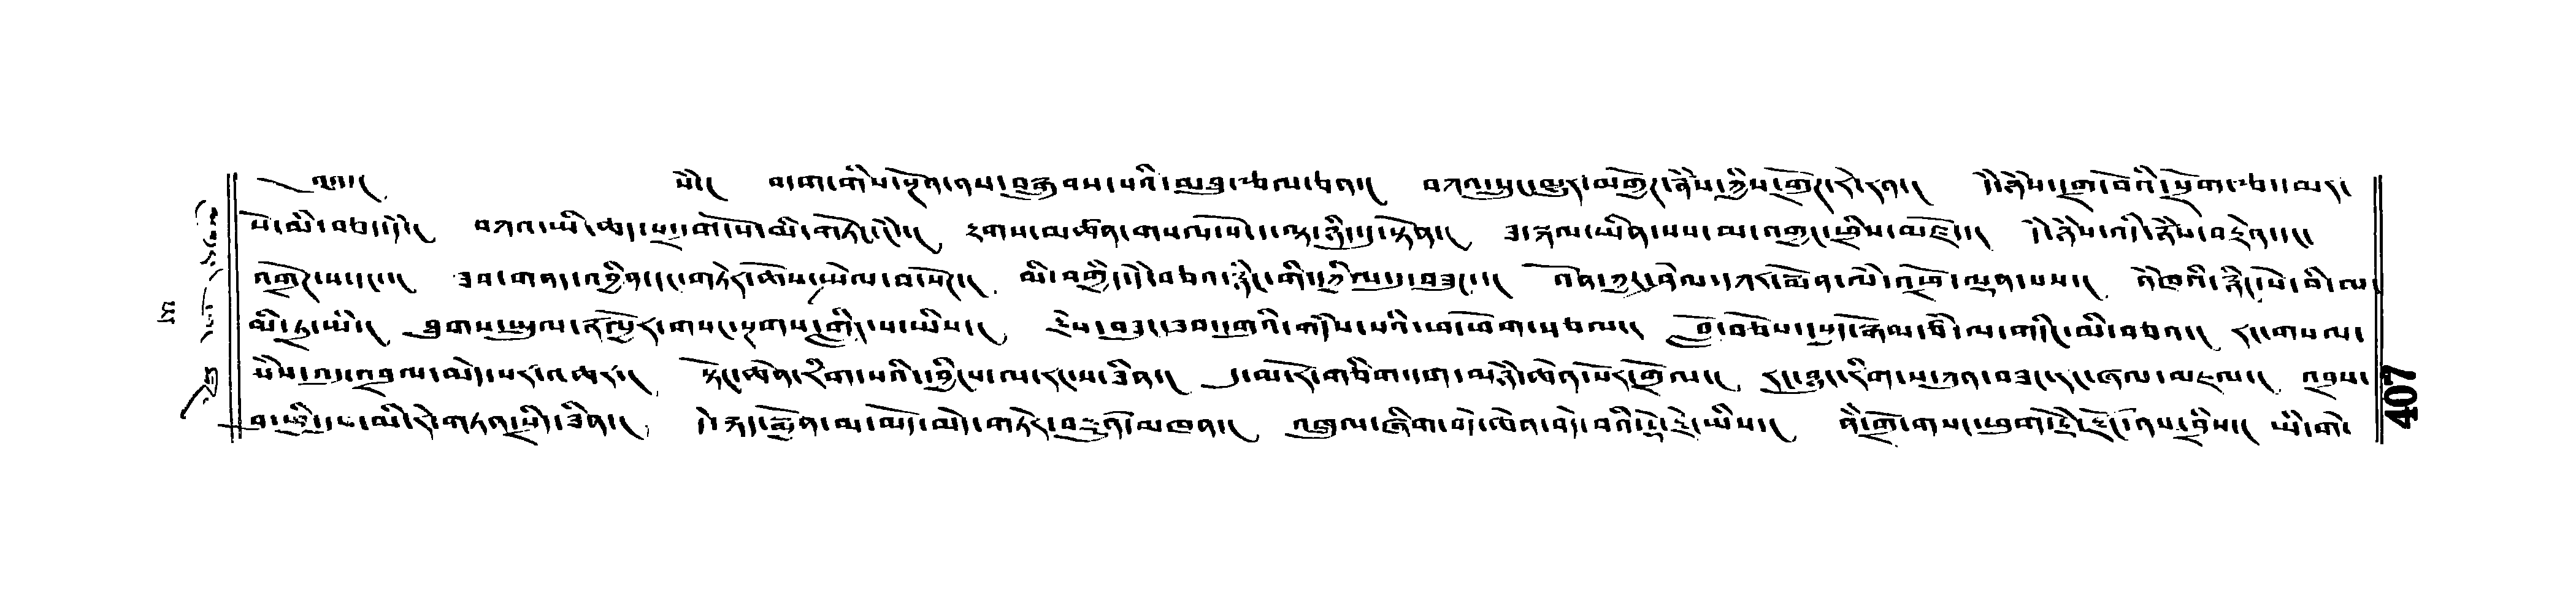སམ། །བདག་གིས་སྔོན་ནས་བསྒྲུབས་པའི་མཐུ་རྩལ་ཅན། །བཀའ་སྲུང་མྱུར་མགྱོགས་རྣམས་ཀྱིས་གྲོགས་རེ་རན། །དམ་ཉམས་དགྲ་བོའི་སྲོག་རྩ་དམར་
པོ་མི་བཅད་དམ། །བཀའ་ཡི་ཆད་པ་དྲག་པོ་མི་གཏོང་ངམ། །རྟགས་མཚན་གསལ་པོ་ད་ལྟ་ཉིད་དུ་སྟོན། །ཟ་སྐལ་ཡིན་པས་མ་འགྱང་ཕྲིན་ལས་མཛོད། །དམ་ཉམས་འདི་རྣམས་བརྟེན་དང་
འགྲོགས་པ་དང་། །ཟབ་གནད་འབྱིན་དང་གཏེར་ཆོས་སྤེལ་བ་སོགས། །མི་བགྱིད་དམ་བཅའ་སྙིང་གི་དཀྱིལ་དུ་བཟུང་། །འོན་ཀྱང་ཤེལ་དཀར་སྨོན་ལམ་འཕྲོ་ལྡན་པས། །ནམ་མཁའི་སྙིང་པོ་བི་མ་
མི་ཏྲ་ཡི། །ཐུགས་སྤྲུལ་རྣལ་འབྱོར་གསང་སྔགས་གླིང་པ་ཡིས། །རྗེས་བཟུང་ཟབ་དགུའི་གདམས་པའི་ཕ་ཕོག་བསྩལ། །བློ་བཅོས་དཔྱད་སྒོམ་ཙམ་ལ་གདིང་མི་བཅའ། །རང་གསལ་
ཡེ་ཤེས་འདུ་འབྲལ་མེད་པར་འཆར། །སྟོང་ཆེན་རིག་པའི་དབྱིངས་ལ་རང་ས་ཟིན། །དུ་མ་རོ་གཅིག་དག་མཉམ་ཆེན་པོར་གྲོལ། །རང་བྱུང་རིག་པ་ཀུན་བཟང་རང་ཞལ་མཇལ། །འབྲས་
བུ་ཕྱི་དུས་མི་རེ་གཏན་སྲིད་ཟིན། །དེ་སྐད་སྨྱོན་མ་མདོ་མེད་གཏེར་བརྫུན་མཁན། །འཁྲུལ་ཞིག་བདེ་ཆེན་བདེ་བའི་རྡོ་རྗེ་ཡིས། །ནཻ་གྲོ་གསང་ཕུག་རྡོ་རྗེ་རྫོང་ནས་བྲིས།ཡི་གེ་